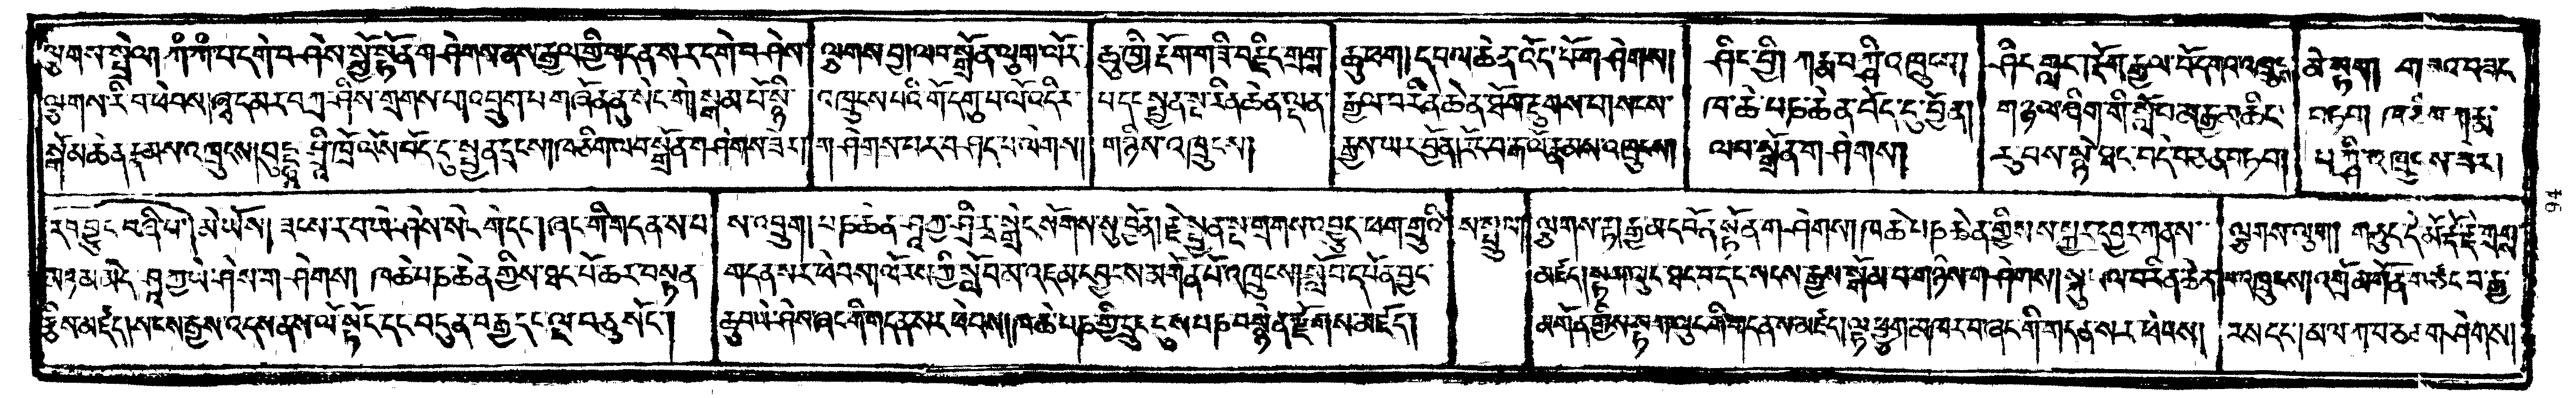ལྕགས་སྤྲེལ། ཀཾ་ཀཾ་བ་དགེ་བཤེས་སྐྱོ་སྟོན་གཤེགས་ནས་རྒྱལ་གྱི་གདན་སར་དགེ་བཤེས་ལྕགས་བྱ། ལབ་སྒྲོན་ལུག་ལོར་ཆུ་ཁྱི། རྡོག་གཟི་བརྗིད་གྲགས་ཆུ་ཕག། དཔལ་ཆེན་འོད་པོ་གཤེགས། ཤིང་བྱི། ཀརྨ་པཀྴི་འཁྲུངས། ཤིང་གླང་། རྡོག་རྒྱལ་བོ་དགའ་འཁྲུངས་མེ་སྟག། གཟའ་བཟང་
ལྕགས་རིབ་ཕེབས། ཞྭ་དམར་བཀྲ་ཤིས་གྲགས་པ། འབྲུག་པ་གཞོན་ནུ་སེང་གེ། སྒམ་པོ་སྙི་འཁྲུངས་པའི་གོ་དགུ་པ་ལོ་འདིར་པ་དང་སྤྱན་སྔ་རིན་ཆེན་ལྡན། རྒྱལ་བ་རིན་ཆེན་ཐོག་རྡུགས་པ། སངས་ཁ་ཆེན་པཎ་ཆེན་བོད་དུ་བྱོན་གཉལ་ཞིག་གི་སློབ་མྲྒྱ་མཆིང་བཏག་ཁ་ཅིག་ཀརྨ་
སྒོམ་ཆེན་རྣམས་འཁྲུངས། བུདྡྷཱ་ཤྲཱི་ཁྲོ་ལོས་བོད་དུ་སྤྱན་དྲངས། ཁ་ཅིག་ལབ་སྒྲོན་གཤེགས་ཟེར། གཤེགས་པར་བཤད་པ་ལེགས། གཉིས་འཁྲུངས། རྒྱས་ཡར་བྱོན། རོང་བ་རྒལ་ལོ་རྣམས་འཁྲུངས། ལབ་སྒྲོན་གཤེགས། རུ་བས་སྙེ་ཐང་བདེ་བ་ཅན་བཏབ། པཀྴི་འཁྲུངས་ཟེར།
རབ་བྱུང་བཞི་པ། མེ་ཡོས། ཟངས་རབ་ཡེ་ཤེས་སེང་གེ་དང་། ཞང་གི་གདན་སབ་ས་འབྲུག། པཎ་ཆེན་ཤཱཀྱ་ཤྲི་རྭ་སྒྲེང་སོགས་སུ་བྱོན། རྗེ་སྤྱན་སྔ་གྲགས་འབྱུང་ཕག་གྲུའི་ས་སྤྲུལ། ལྕགས་རྟ། རྒྱ་མ་དབོན་སྟོན་གཤེགས། ཁ་ཆེ་ཕཎ་ཆེན་གྱིས་ས་སྐྱར་དབྱར་གནས་ལྕགས་ལུག། གཅུད་དེ་མོ་རྡོ་རྗེ་གྲགས་
མཉམ་མེད་ཤཱཀྱ་ཡེ་ཤེས་གཤེགས། ཁ་ཆེ་པཎ་ཆེན་གྱིས་ཐང་པོ་ཆར་བསྟན་གདན་སར་ཕེབས། ལོ་རབ་ཀྱི་སློབ་མ་འཇམ་དབྱངས་མགོན་པོ་འཁྲུངས། སློབ་དཔོན་བྱང་མཛད། སྟག་ལུང་ཐང་བ་དང་སངས་རྒྱས་སྒོམ་པ་གཉིས་གཤེགས། སྐུས?་ལབ་རིན་ཆེན་པ་འཁྲུངས། འགྲོ་མགོན་གཙང་བརྒྱ་
རྩེས་མཛད། སངས་རྒྱས་འདས་ནས་ལོ་སྟོང་དང་བདུན་བརྒྱ་དང་ལྔ་བཅུ་སོང་། ཆུབ་ཡེ་ཤེས་ཞང་གི་གདན་སང་ཕེབས། ཁ་ཆེ་པཎ་གྱི་དྲུང་དུས་པཎ་བསྙེན་རྫོགས་མཛད། མགོན་གྱིས་སྟག་ལུང་གི་གདན་ས་མཛད། ལྟ་ཕྱུག་མཁར་བ་ཞང་གི་གདན་སར་ཕེབས། རས་དང་། མལ་ཀ་བ་ཅན་གཤེགས།